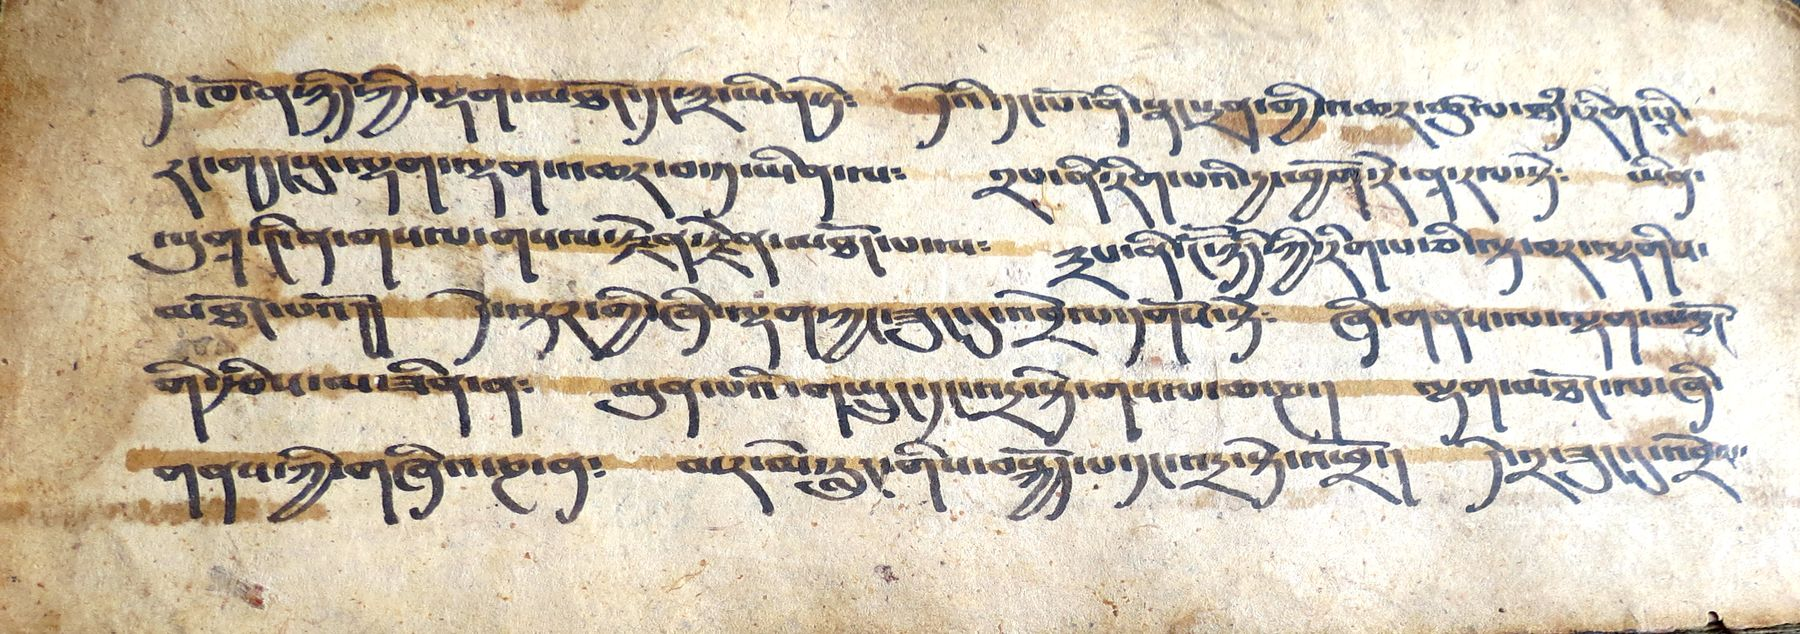དེ་ཁོ་ན་ཉིད་ཀྱི་ལྷག་མཐོང་གསུམ་ཡིན་ཏེ། དེ་ཡི་དང་པོ་ནི་སྣང་དྲན་གྱི་འཆར་ཚུལ་ཐམས་ཅད་རིག་པའི་
རང་གདངས་སུ་ལྷག་ལྷག་འཆར་བ་ཞིག་ཡིན་ལ། གཉིས་པ་ནི་རིག་པའི་རྒྱ་ཕྱོགས་མེད་ནས་རལ་ཏེ། ཡིན་
ལུགས་བཞིན་སལ་སལ་རྗེན་རྗེན་དུ་མཐོང་བ་ལ། གསུམ་པ་ནི་ངོ་བོ་ཉིད་ཀྱི་དོན་རིག་པ་ཇི་ལྟ་བར་ལྷག་གིས་
མཐོང་བའོ། ། དེ་ལྟར་གྱི་ཞི་ལྷག་ཀྱང་ཟུང་དུ་འབྲེལ་དགོས་ཏེ། ཞི་གནས་ལ་ལྷག་མཐོང་
གི་རྩིས་མ་ཟིན་ན། མུན་པའི་གཡུང་དྲུང་དང་འདྲ་སྟེ་གསལ་ཆ་མེད། ལྷག་མཐོང་ལ་ཞི་
གནས་ཀྱི་གཞི་མེད་ན། མར་མེ་རླུང་གིས་སྐྱོད་པ་དང་འདྲ་སྟེ་འཕྲོ། དེ་གཉིས་ཟུང་དུ་འབྲེལ་